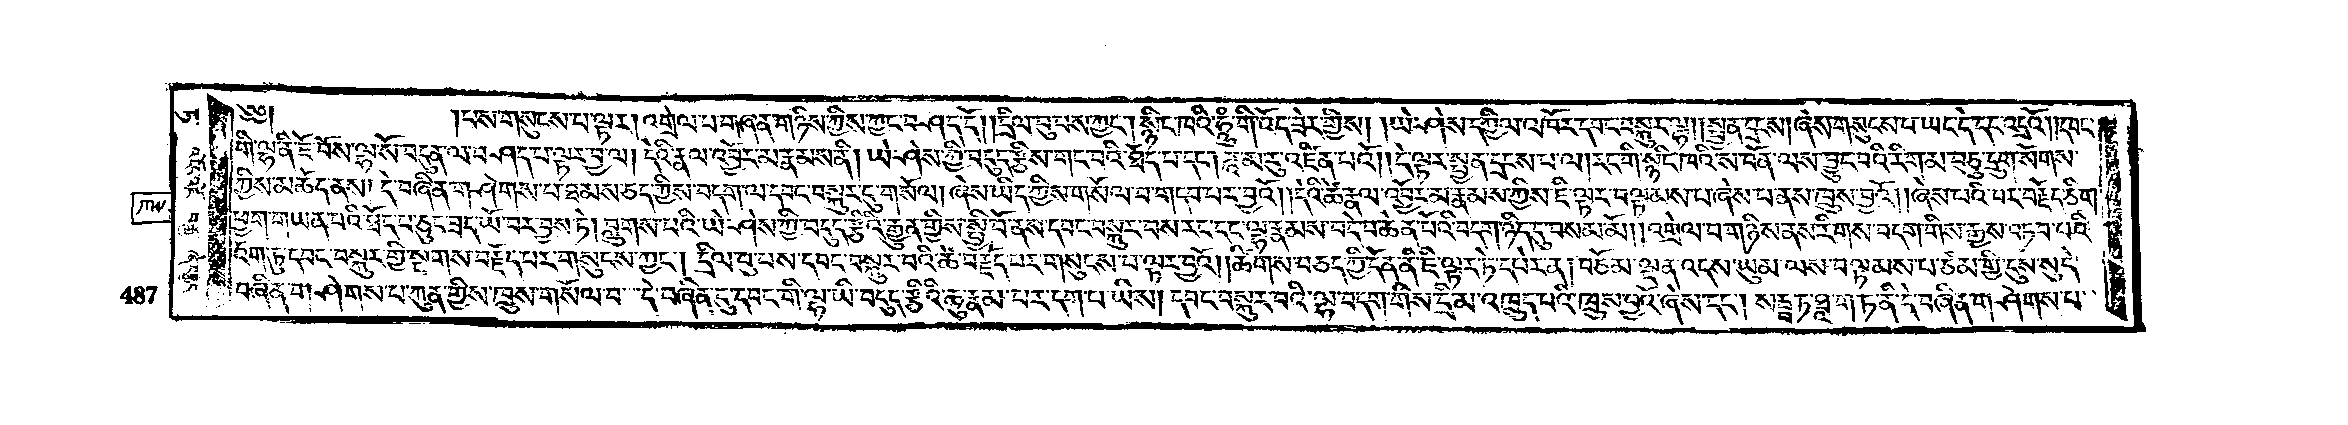༄༅། །པས་གསུངས་པ་ལྟར། འགྲེལ་པ་གཞན་གཉིས་ཀྱིས་ཀྱང་བཤད་དོ། །དྲིལ་བུ་པས་ཀྱང་། སྙིང་ཁའི་ཧཱུཾ་གི་འོད་ཟེར་གྱིས། །ཡེ་ཤེས་དཀྱིལ་འཁོར་དབང་བསྐུར་ལྷ། །སྤྱན་དྲངས། ཞེས་གསུངས་པ་ཡང་དེ་དང་འདྲའོ། །དབང་
གི་ལྷ་ནི་ཇོ་བོས་ལྷ་སོ་བདུན་ལ་བཤད་པ་ལྟར་བྱ་ལ། དེའི་རྣལ་འབྱོར་མ་རྣམས་ནི། ཡེ་ཤེས་ཀྱི་བདུད་རྩིས་གང་བའི་ཐོད་པ་དང་། ཌཱ་མ་རུ་འཛིན་པའོ། །དེ་ལྟར་སྤྱན་དྲངས་པ་ལ། རང་གི་སྙིང་ཁའི་ས་བོན་ལས་བྱུང་བའི་རིག་མ་བཅུ་དྲུག་སོགས་
ཀྱིས་མཆོད་ནས། དེ་བཞིན་གཤེགས་པ་ཐམས་ཅད་ཀྱིས་བདག་ལ་དབང་བསྐུར་དུ་གསོལ། ཞེས་ཡིད་ཀྱིས་གསོལ་བ་གདབ་པར་བྱའོ། །དེའི་ཚེ་རྣལ་འབྱོར་མ་རྣམས་ཀྱིས་ཇི་ལྟར་བལྟམས་པ་ཞེས་པ་ནས་ཁྲུས་བྱའོ། །ཞེས་པའི་བར་བརྗོད་ཅིང་།
ཕྱག་གཡན་པའི་ཐོད་པ་ཅུང་ཟད་ཡོ་བར་བྱས་ཏེ། བླུགས་པའི་ཡེ་ཤེས་ཀྱི་བདུད་རྩིའི་རྒྱུན་གྱིས་སྤྱི་བོ་ནས་དབང་བསྐུར་བས་རང་དང་ལྷ་རྣམས་བདེ་བ་ཆེན་པོའི་བདག་ཉིད་དུ་བསམ་མོ། །འགྲེལ་བ་གཉིས་ནས་རིགས་བདག་གིས་རྒྱས་བཏབ་པའི་
འོག་ཏུ་དབང་བསྐུར་གྱི་སྔགས་བརྗོད་པར་གསུངས་ཀྱང་། དྲིལ་བུ་པས་དབང་བསྐུར་བའི་ཚེ་བརྗོད་པར་གསུངས་པ་ལྟར་བྱའོ། །ཚིགས་བཅད་ཀྱི་དོན་ནི་ཇི་ལྟར་ཏེ་དཔེར་ན། བཅོམ་ལྡན་འདས་ཡུམ་ལས་བལྟམས་པ་ཙམ་གྱི་དུས་སུ་དེ་
བཞིན་གཤེགས་པ་ཀུན་གྱིས་ཁྲུས་གསོལ་བ་དེ་བཞིན་དུ་དབང་གི་ལྷ་ཡི་བདུད་རྩིའི་ཆུ་རྣམ་པར་དག་པ་ཡིས། དབང་བསྐུར་བའི་ལྷ་བདག་གིས་དྲི་མ་འཁྲུད་པའི་ཁྲུས་བྱའོ་ཞེས་དང་། སརྦྦ་ཏ་ཐཱ་ག་ཏ་ནི་དེ་བཞིན་གཤེགས་པ་